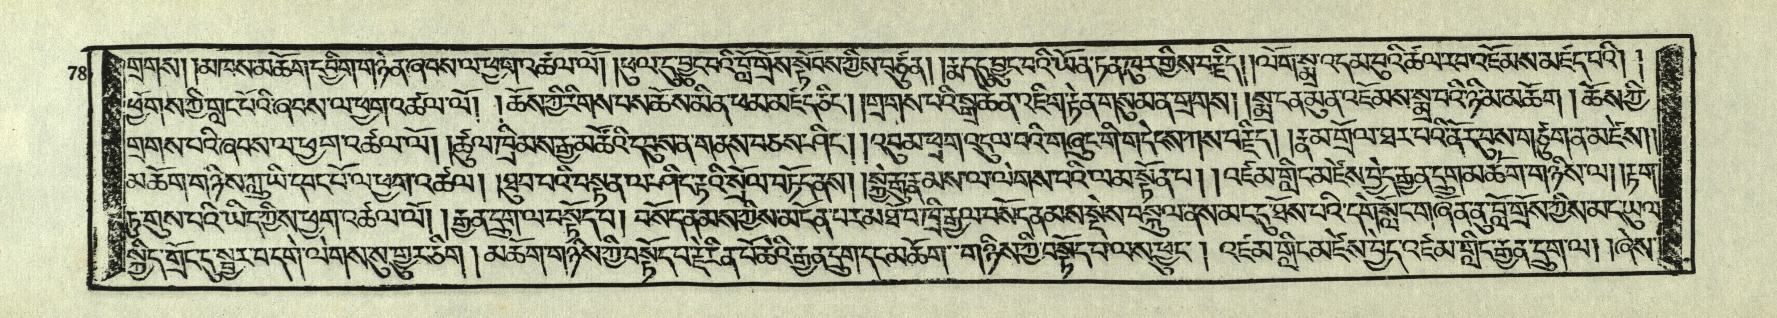གྲགས། །མཁས་མཆོག་དབྱིག་གཉེན་ཞབས་ལ་ཕྱག་འཚལ་ལོ། །ཕུལ་དུ་བྱུང་བའི་བློ་གྲོས་སྟོབས་ཀྱིས་བཙུན། །རྨད་དུ་བྱུང་བའི་ཡོན་ཏན་ཁུར་གྱིས་བརྗིད། །ལོག་སྨྲ་འདམ་བུའི་ཚལ་རབ་འཇོམས་མཛད་པའི། །
ཕྱོགས་ཀྱི་གླང་པོའི་ཞབས་ལ་ཕྱག་འཚལ་ལོ། །ཆོས་ཀྱི་རིགས་པས་ཆོས་མིན་ཕམ་མཛད་ཅིང་། །གྲགས་པའི་སྒྲ་ཆེན་འཇིག་རྟེན་གསུམ་ན་གྲགས། །སྨྲ་ངན་མུན་འཇོམས་སྨྲ་བའི་ཉི་མ་མཆོག །ཆོས་ཀྱི་
གྲགས་པའི་ཞབས་ལ་ཕྱག་འཚལ་ལོ། །ཚུལ་ཁྲིམས་རྒྱ་མཚོའི་དབུས་ན་གནས་བཅས་ཤིང་། །འབུམ་ཕྲག་འདུལ་བའི་གཞུང་གི་གདེངས་ཀས་བརྗིད། །རྣམ་གྲོལ་ཐར་པའི་ནོར་བུས་གཙུག་ན་མཛེས།།
མཆོག་གཉིས་ཀླུ་ཡི་དབང་པོ་ལ་ཕྱག་འཚལ། །ཐུབ་པའི་བསྟན་ལ་ཤིང་རྟའི་སྲོལ་བཏོད་ནས། །སྐྱེ་རྒུ་རྣམས་ལ་ལེགས་པའི་ལམ་སྟོན་པ། །འཛམ་གླིང་མཛེས་བྱེད་རྒྱན་དྲུག་མཆོག་གཉིས་ལ། །རྟག་
ཏུ་གུས་པའི་ཡིད་ཀྱིས་ཕྱག་འཚལ་ལོ། །རྒྱན་དྲུག་ལ་བསྟོད་པ། བསོད་ནམས་ཀྱིས་མངོན་པར་མཐོ་བ་ཁྲི་རྒྱལ་བསོད་ནམས་སྡེས་བསྐུལ་ནས་མང་དུ་ཐོས་པའི་དགེ་སློང་གཞོན་ནུ་བློ་གྲོས་ཀྱིས་མང་ཡུལ་
སྐྱིད་གྲོང་དུ་སྦྱར་བ་དགེ་ལེགས་སུ་གྱུར་ཅིག །མཆོག་གཉིས་ཀྱི་བསྟོད་པ་རྗེ་རིན་པོ་ཆེའི་རྒྱན་དྲུག་དང་མཆོག་གཉིས་ཀྱི་བསྟོད་བ་ལས་ཕྱུང་། འཛམ་གླིང་མཛེས་བྱེད་འཛམ་གླིང་རྒྱན་དྲུག་ལ། །ཞེས་